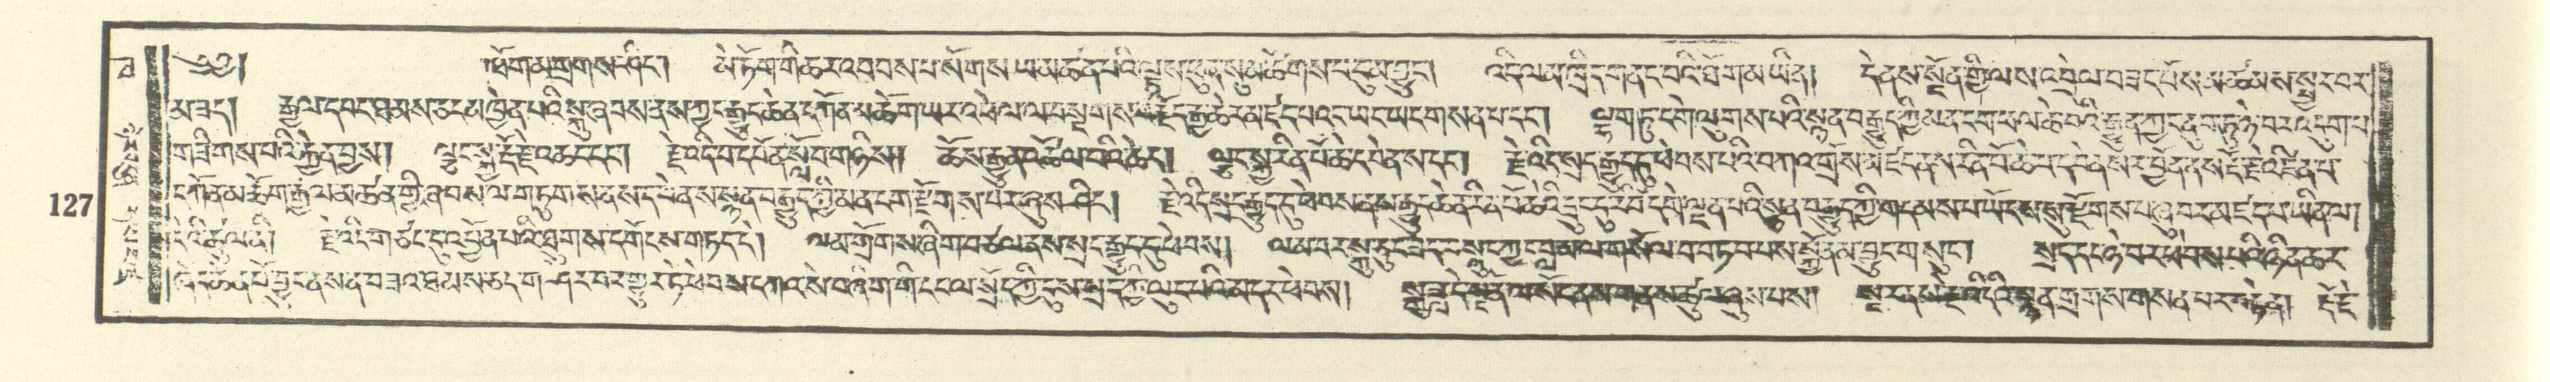༄༅། །ཐོག་མ་གྲགས་ཤིང་། མེ་ཏོག་གི་ཆར་འབབས་པ་སོགས་ཡ་མཚན་པའི་ལྟས་ཕུན་སུམ་ཚོགས་བ་དུ་མ་བྱུང་། འདི་ལམ་ཁྲིད་གནང་བའི་ཐོག་མ་ཡིན། དེ་ནས་སྔོན་གྱི་ལས་འབྲེལ་བཟང་པོས་མཚམས་སྦྱར་བར་
མ་ཟད། རྒྱལ་དབང་ཐམས་ཅད་མཁྱེན་པའི་སྐུ་ཞབས་ནས་ཀྱང་རྒྱུད་ཆེན་དཀོན་མཆོག་ཡར་འཕེལ་ལ་བསྔགས་བརྗོད་རྒྱ་ཆེར་མཛད་པའང་ཡང་ཡང་གསན་པ་དང་། ལྷག་ཏུ་དགེ་ལུགས་པའི་སྙན་བརྒྱུད་ཀྱི་མན་ངག་ཕལ་ཆེ་བའི་རྒྱུན་ཀྱང་ནུབ་ཏུ་ཉེ་བར་འདུག་པ་
གཟིགས་པའི་རྐྱེན་བྱས། ལྕང་སྐྱ་རྡོ་རྗེ་འཆང་དང་། རྗེ་འདི་པ་དཔོན་སློབ་གཉིས། ཆོས་རྒྱུན་འཚོལ་བའི་ཆེད། ལྕང་སྐྱ་རིན་པོ་ཆེ་དབེན་ས་དང་། རྗེ་འདི་སྲད་རྒྱུད་དུ་ཕེབས་པའི་བཀའ་གྲོས་མཛད་ནས་རིན་པོ་ཆེ་པ་དབེན་སར་བྱོན་ནས་རྡོ་རྗེ་འཛིན་པ་
དཀོན་མཆོག་རྒྱལ་མཚན་གྱི་ཞབས་ལ་གཏུགས་ནས་དབེན་ས་སྙན་བརྒྱུད་ཀྱི་མན་ངག་རྫོགས་པར་ཞུས་ཤིང་། རྗེ་འདི་སྲང་རྒྱུད་དུ་ཕེབས་ནས་རྒྱུད་ཆེན་རིན་པོ་ཆེའི་དྲུང་དུ་རི་བོ་དགེ་ལྡན་པའི་སྙན་བརྒྱུད་ཀྱི་གདམས་པ་ཡོངས་སུ་རྫོགས་པ་ཞུ་བར་མཛད་པ་ཡིན་ལ།
དེའི་ཚུལ་ནི། རྗེ་འདི་གཙང་དུ་འབྱོན་པའི་ཐུགས་དགོངས་གཏད་དེ། ལམ་གྲོགས་ཞིག་བཙལ་ནས་སྲད་རྒྱུད་དུ་ཕེབས། ལམ་བར་སྐུ་ཅུང་ཟད་བསྐུར་ཀྱང་བླ་མ་ལ་གསོལ་བ་བཏབ་པས་སྐྱོན་མ་བྱུང་གསུང་། སྲད་དང་ཉེ་བར་ཕེབས་པའི་ཉིན་ཆར་
ཞོད་ཆེན་པོ་བྱུང་ནས་ན་བཟའ་ཐམས་ཅད་གཤེར་བར་གྱུར་ཏེ་ཕེབས་དཀའ་སེ་བ་ཞིག་གི་ངང་ལ་སྲོད་ཀྱི་དུས་སྲད་ཀྱི་ལུང་པའི་མདར་ཕེབས། སྐུ་ཟླ་དེ་སྔོན་ལ་སོང་ནས་གནས་ཚུལ་ཞུས་པས། སྔར་ནས་རྗེ་འདིའི་སྙན་གྲགས་གསན་པར་བརྟེན། རྡོ་རྗེ་